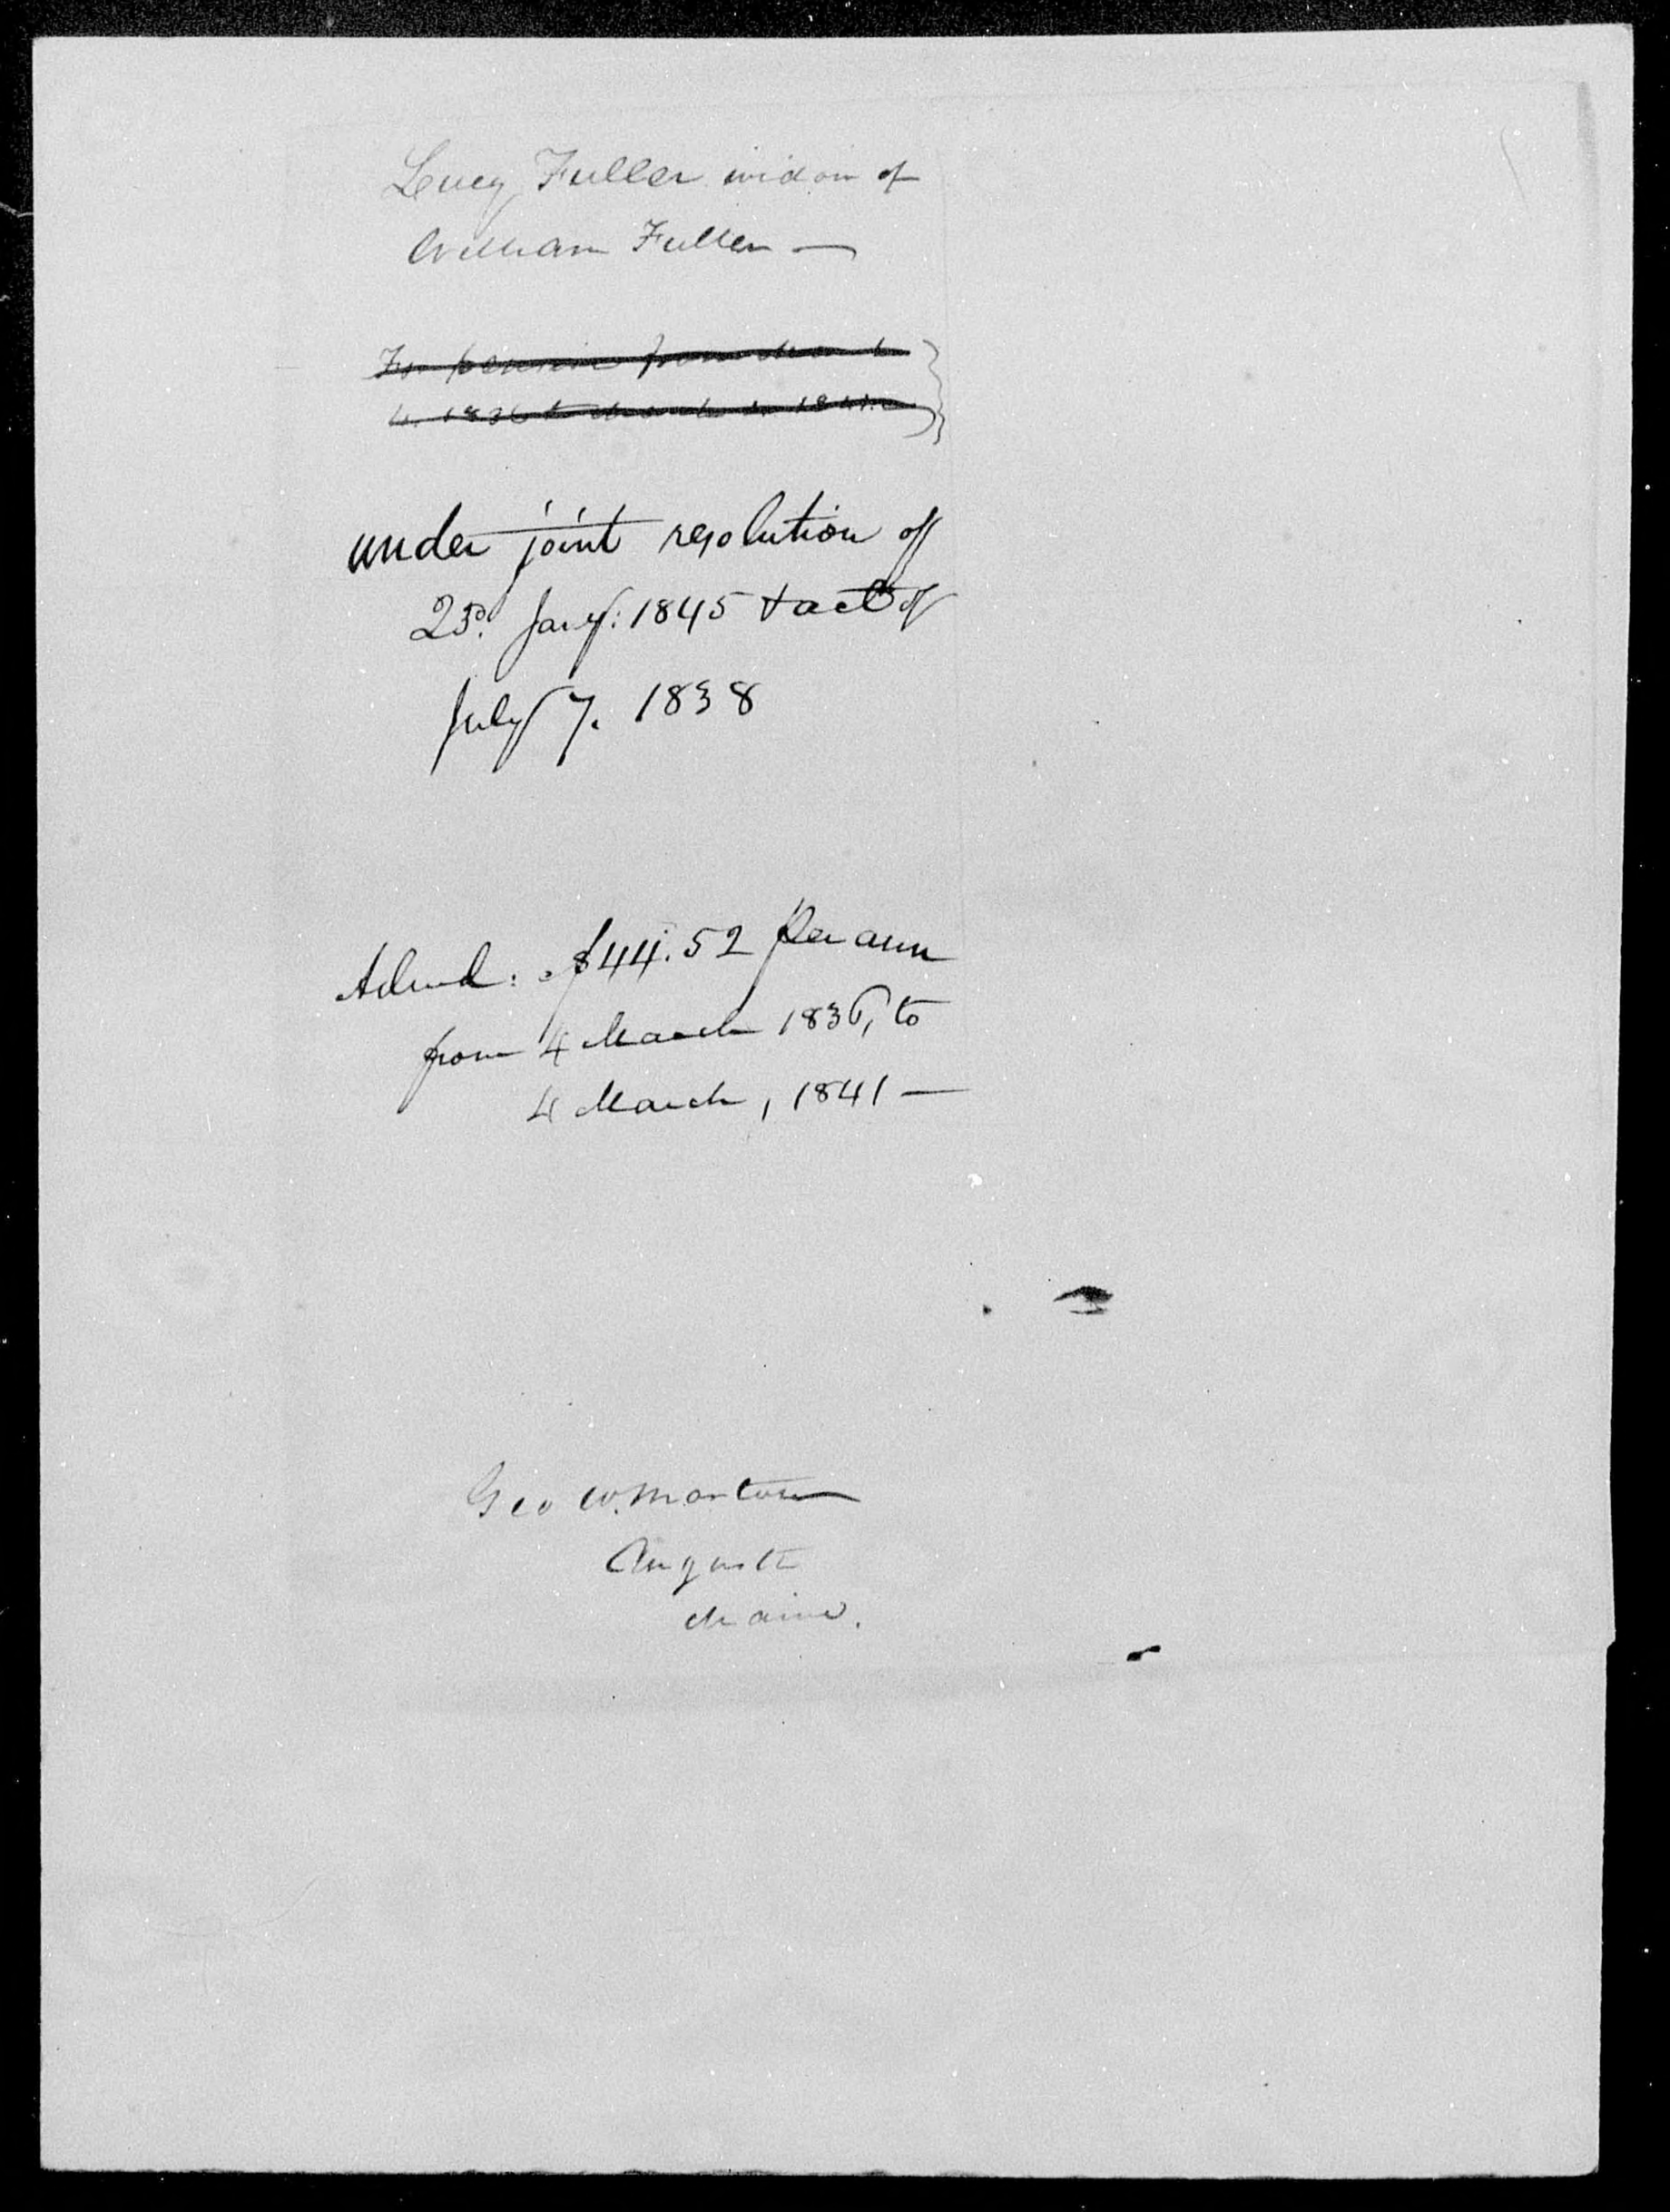Lucy Fuller widow of William Fuller-
[crossed out: For pension from March 4, 1836 to March 4 1841-] 
under joint resolution of 23rd Jan’y 1845 & act of July 7, 1838
Ad’end: $44.52 per ann.
From 4 March 1836, to 4 March, 1841-
Geo W. Morton
Augusta
Maine.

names: Geo W Morton, Lucy Fuller, William Fuller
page: 27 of 45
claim: widow's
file: W. 17933, William Fuller, Mass